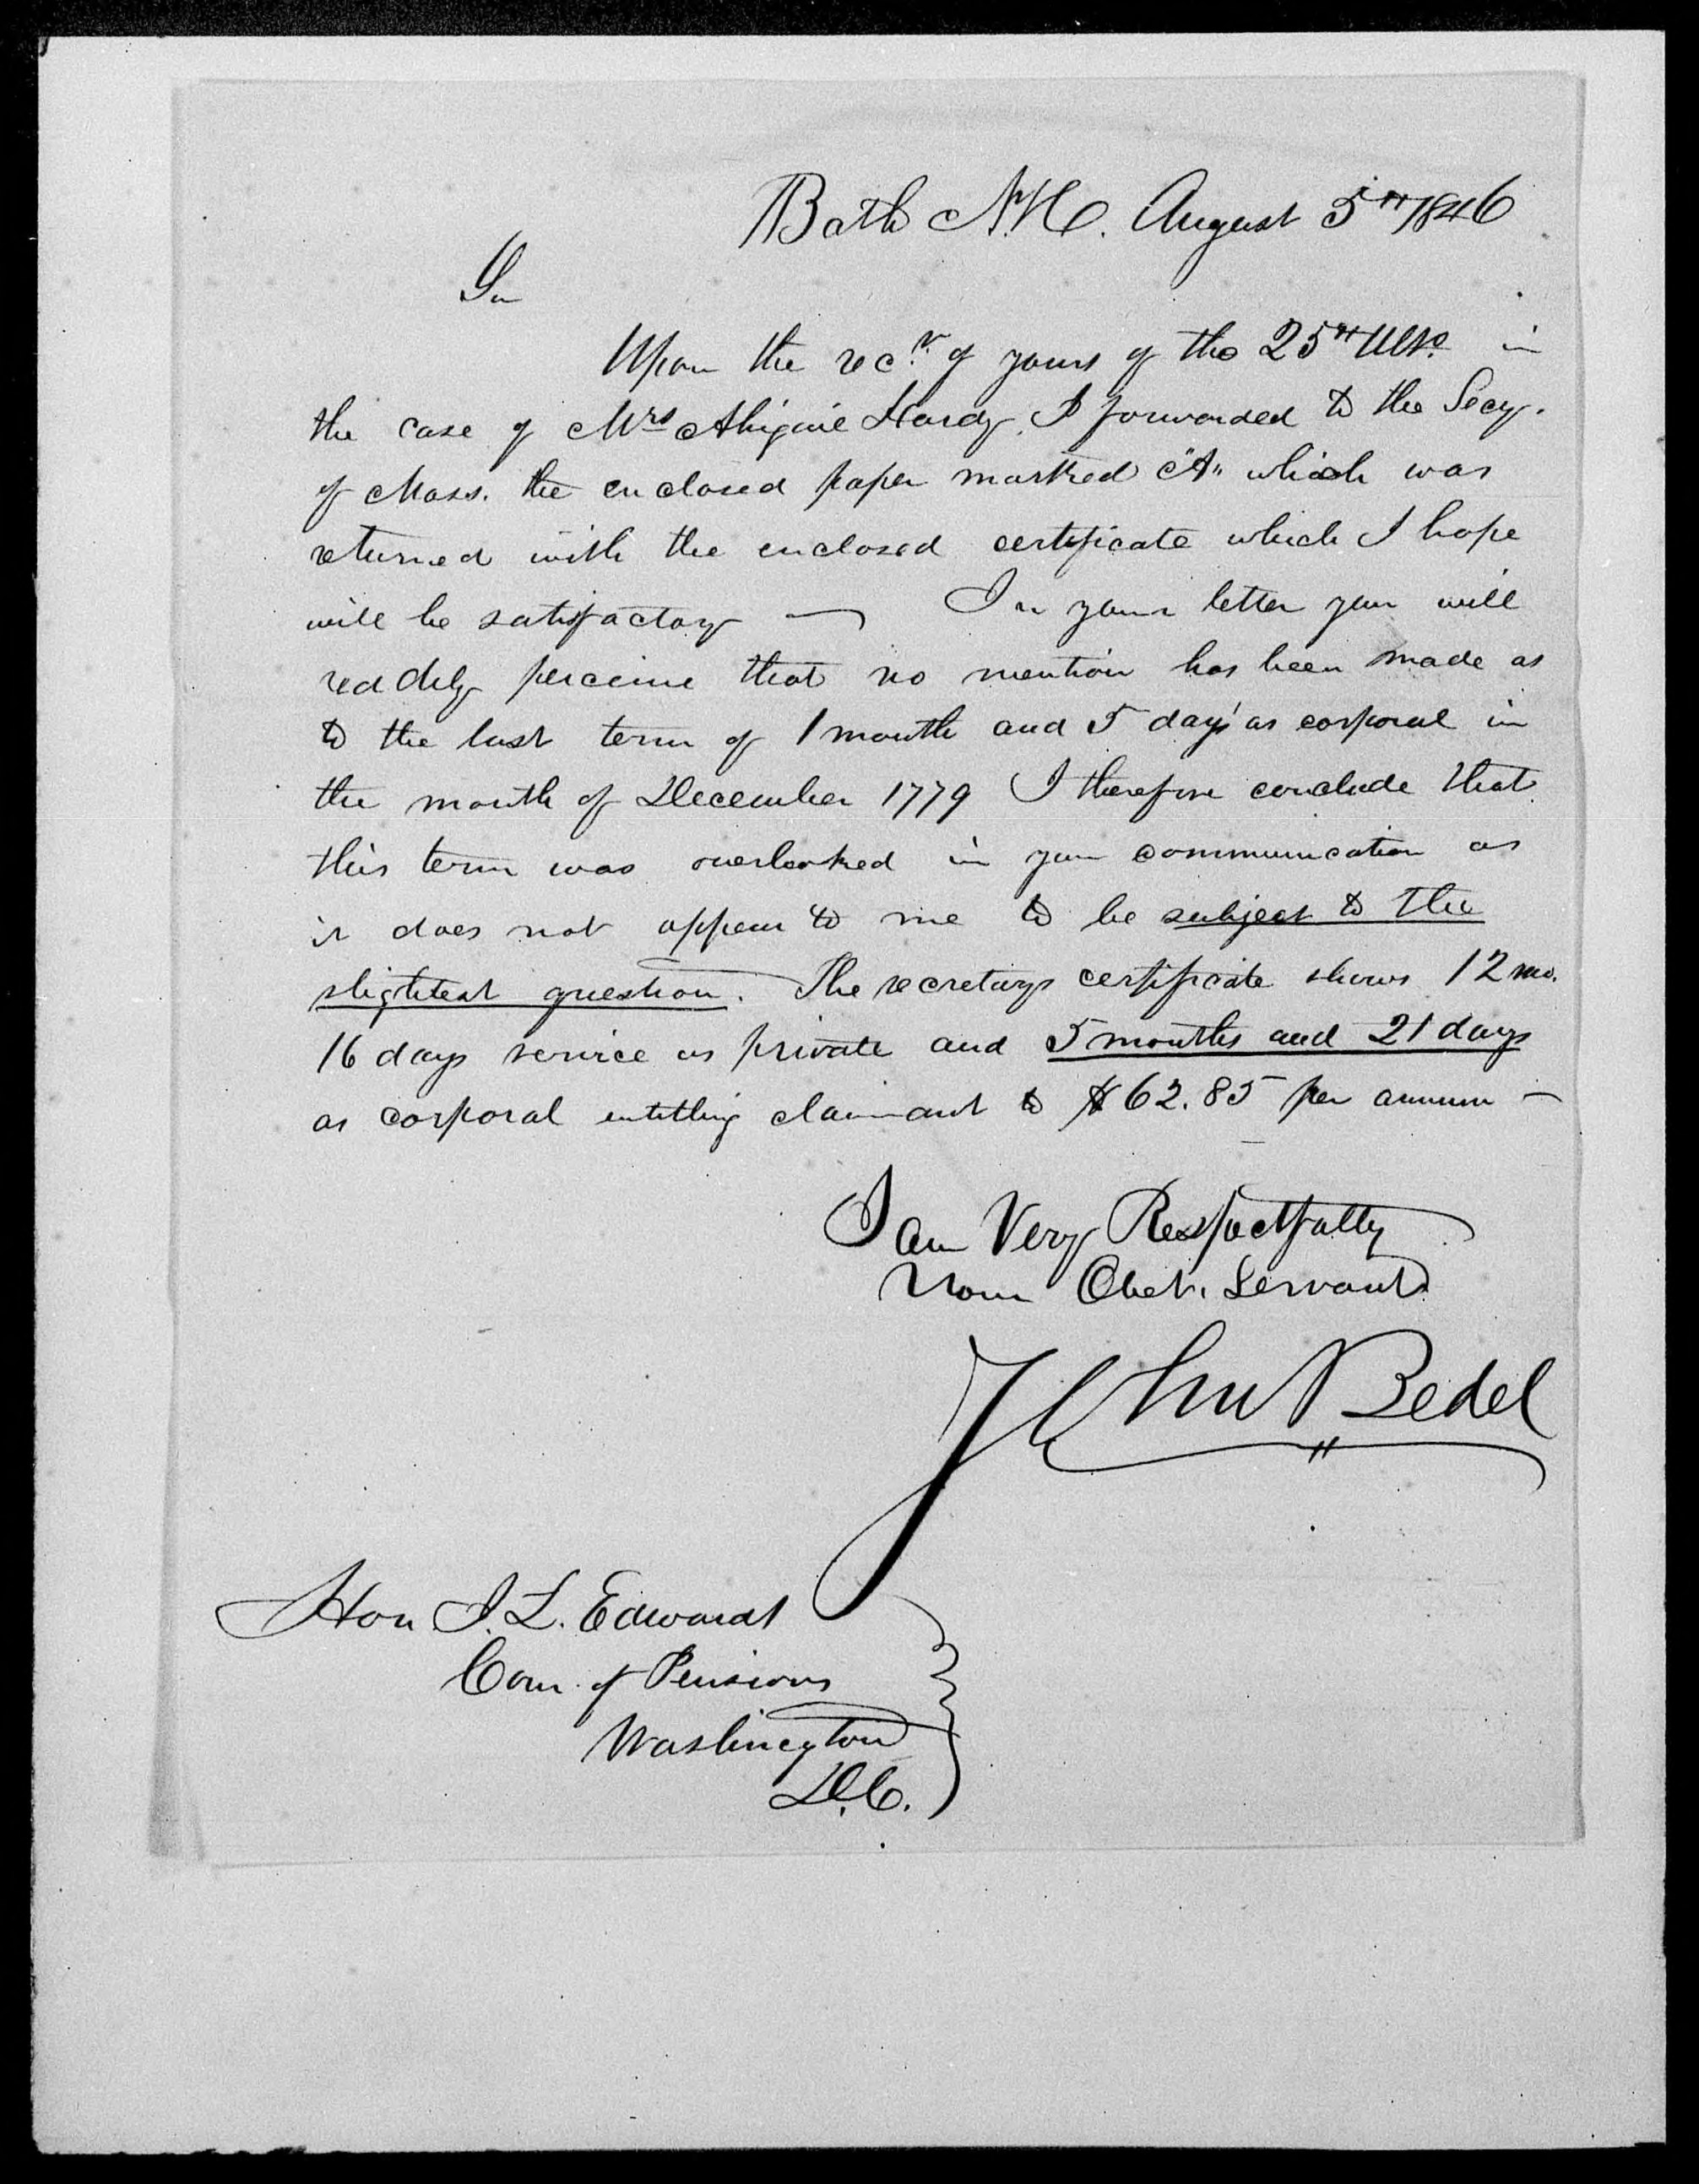Bath NH August 5, 1846
Sir
When the rec of yours of the 25th [unk] -
The case of Mrs Abigail Hardy, I forwarded to the Secy. of Mass. the enclosed paper marked "A" which was returned on with the enclosed certificate which I hope will be satisfactory - In your letter you will readily perceive that no mention has been made as to the last term of 1 month and 5 days as corporal in the month of December 1779 I therefore conclude that this term was overlooked in your communication as it does not appear to me to be subject to the [unk] question. The recruiting certificate shows 12 mo. 16 days service as private and 5 months and 21 days as corporal entitling claim and to $62.85 per Annum -
I am Very Respectfully
Your Obed. Servant
John Bedel

Hon. J.L Edwards
Comm of Pensions
Washington DC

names: Abigail Hardy, J L Edwards, John Bedel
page: 55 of 67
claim: widow's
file: W. 23183, Jesse Hardy, Mass.